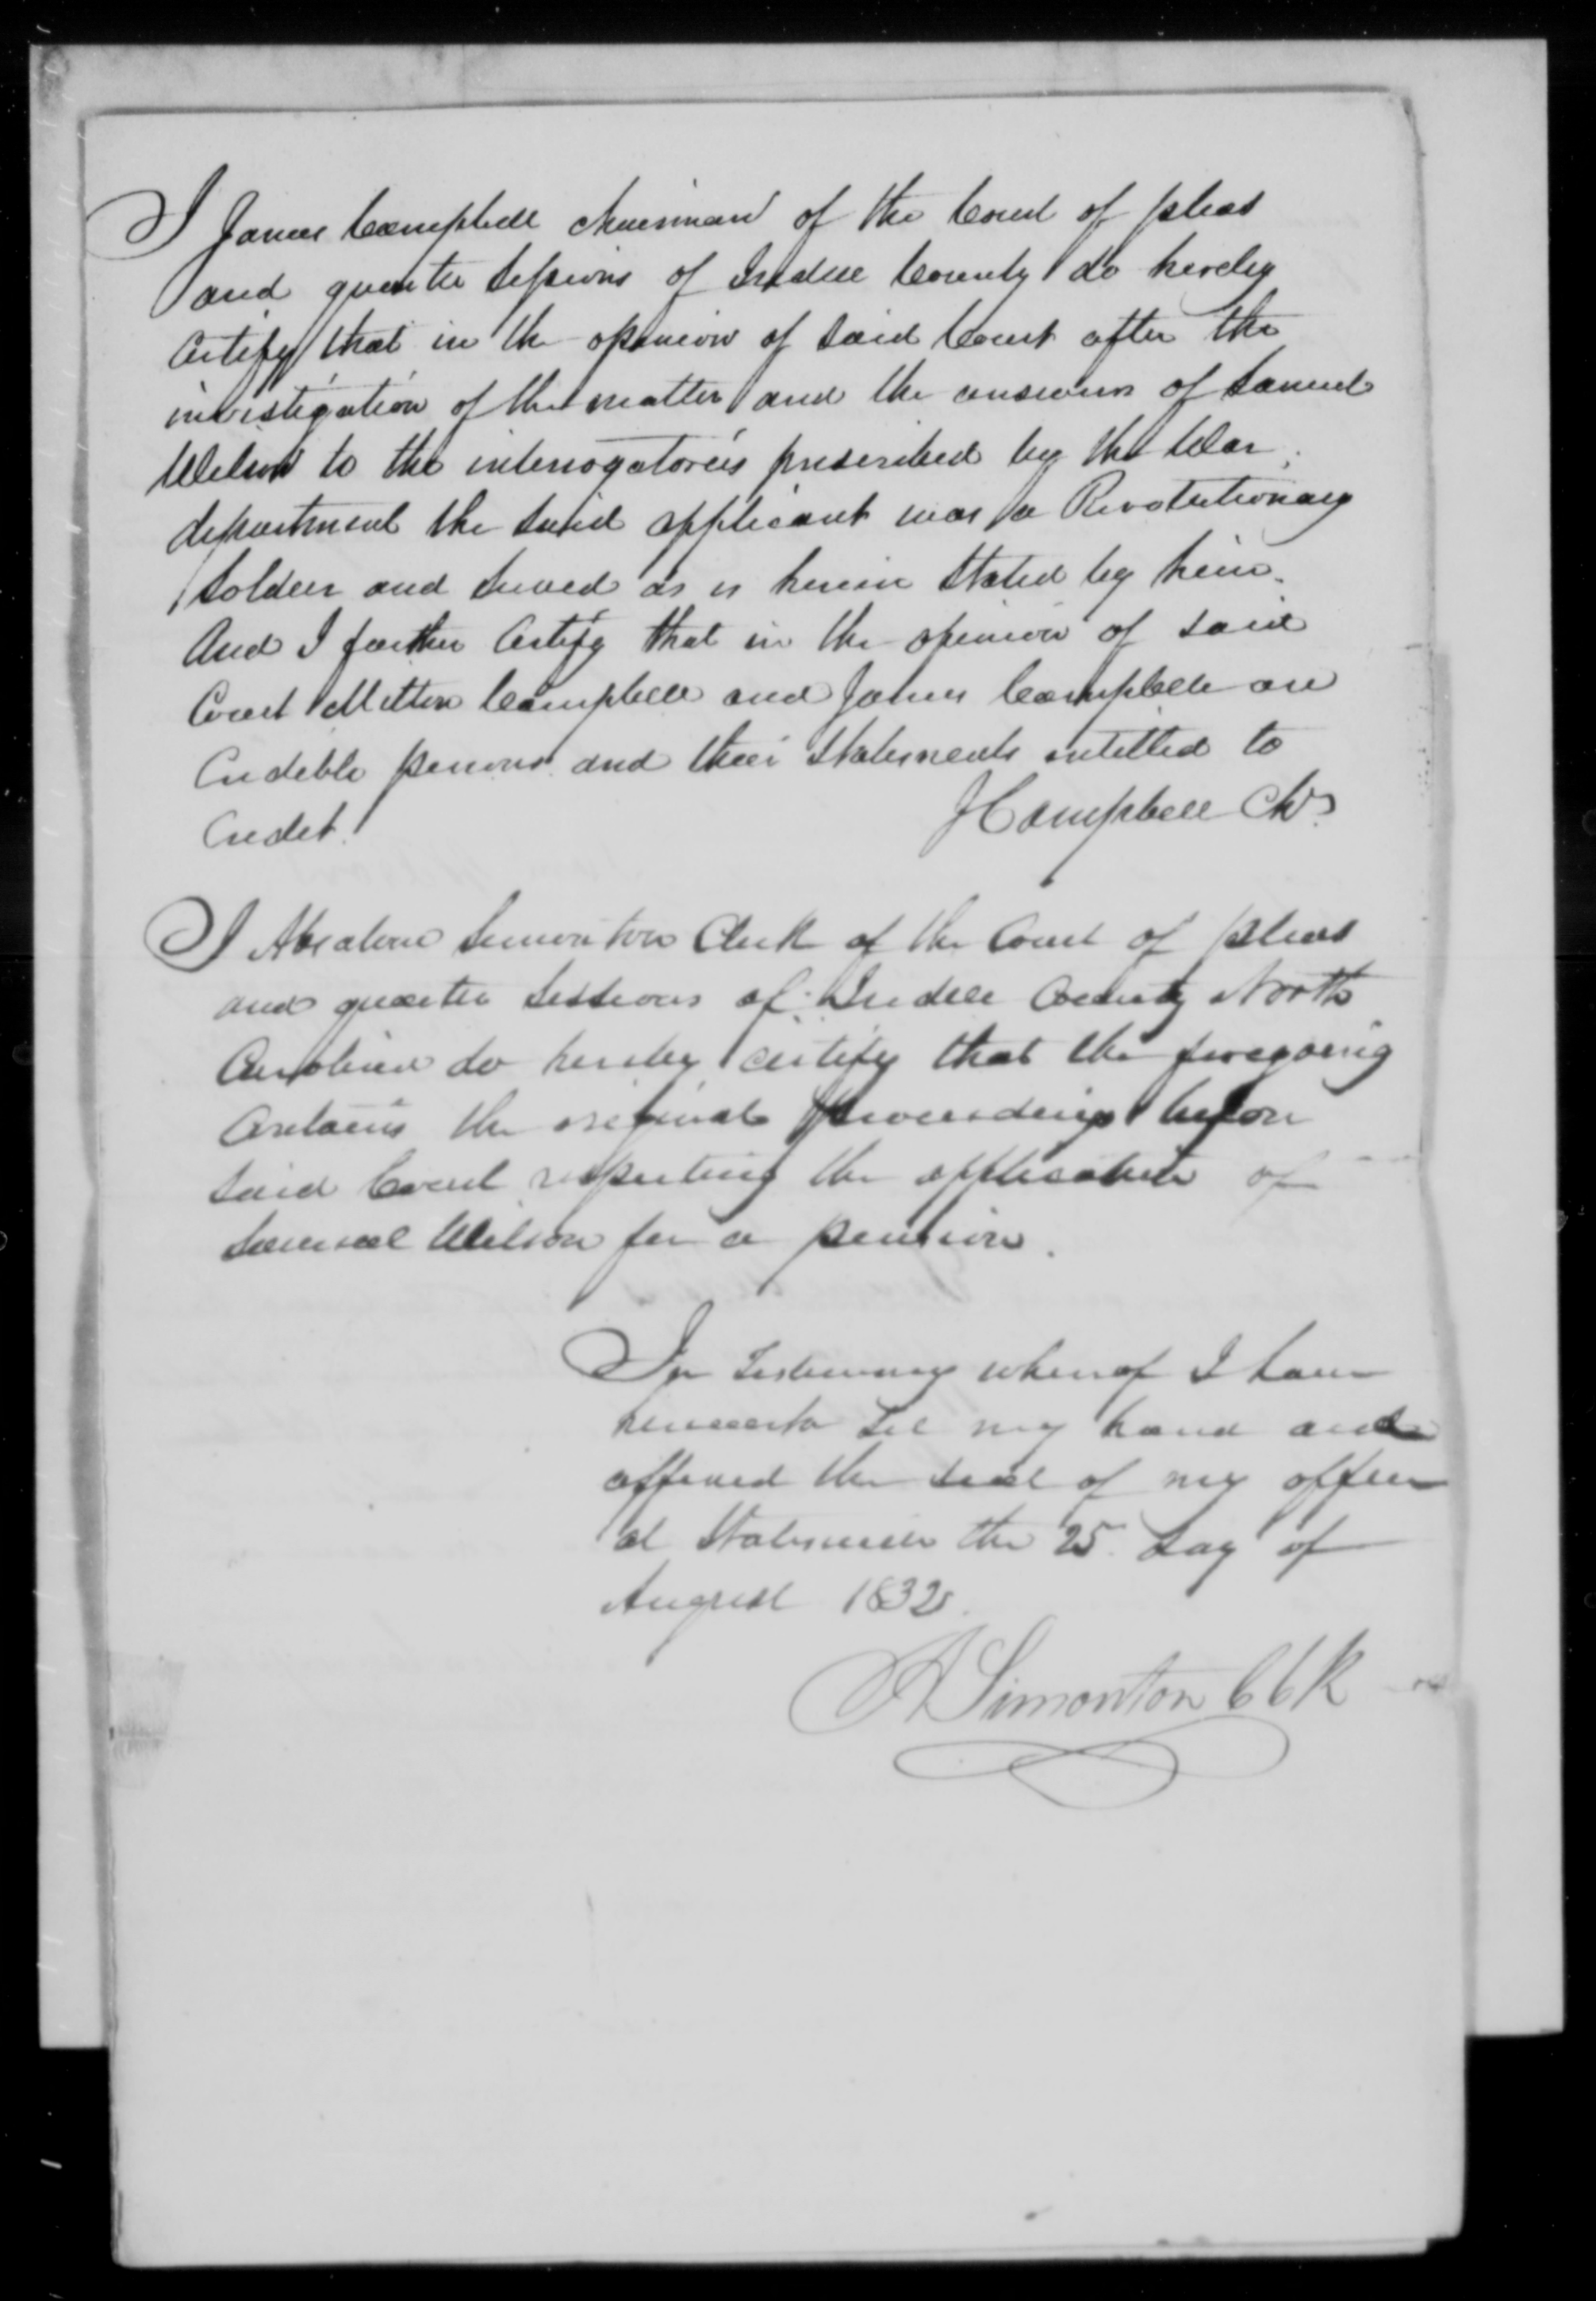I James Campbell [illegible] of the Court of pleas and quarter session of Iredell County do hereby certify that in the opinions of said Court after the investigation of this matter and the [illegible] of Samuel Wilson to the interrogatories prescribed by the War department the said applicant was a Revolutionary Soldier and served as is herein stated by him and I further certify that in the opinion of said Court Milton Campbell and James Campbell are credible persons and their statements  [illegible] to credit.
J Campbell

I Absalom Simonton Clerk of the Court of pleas and quarter session of Iredell County Nort Carolina do hereby certify that the foregoing [illegible] the [illegible] proceeding before said Court respecting the application of Samuel Wilson for a pension.

In testimony whereof I have hereunto lie my hand and affixed the deal of my office at [illegible] the 25 day of August 1832
A Simonton CCK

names: Samuel Wilson, James Campbell, Milton Campbell, Absolem Simonton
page: 9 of 13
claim: survivor's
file: S. 7944, Samuel Wilson, N.C.